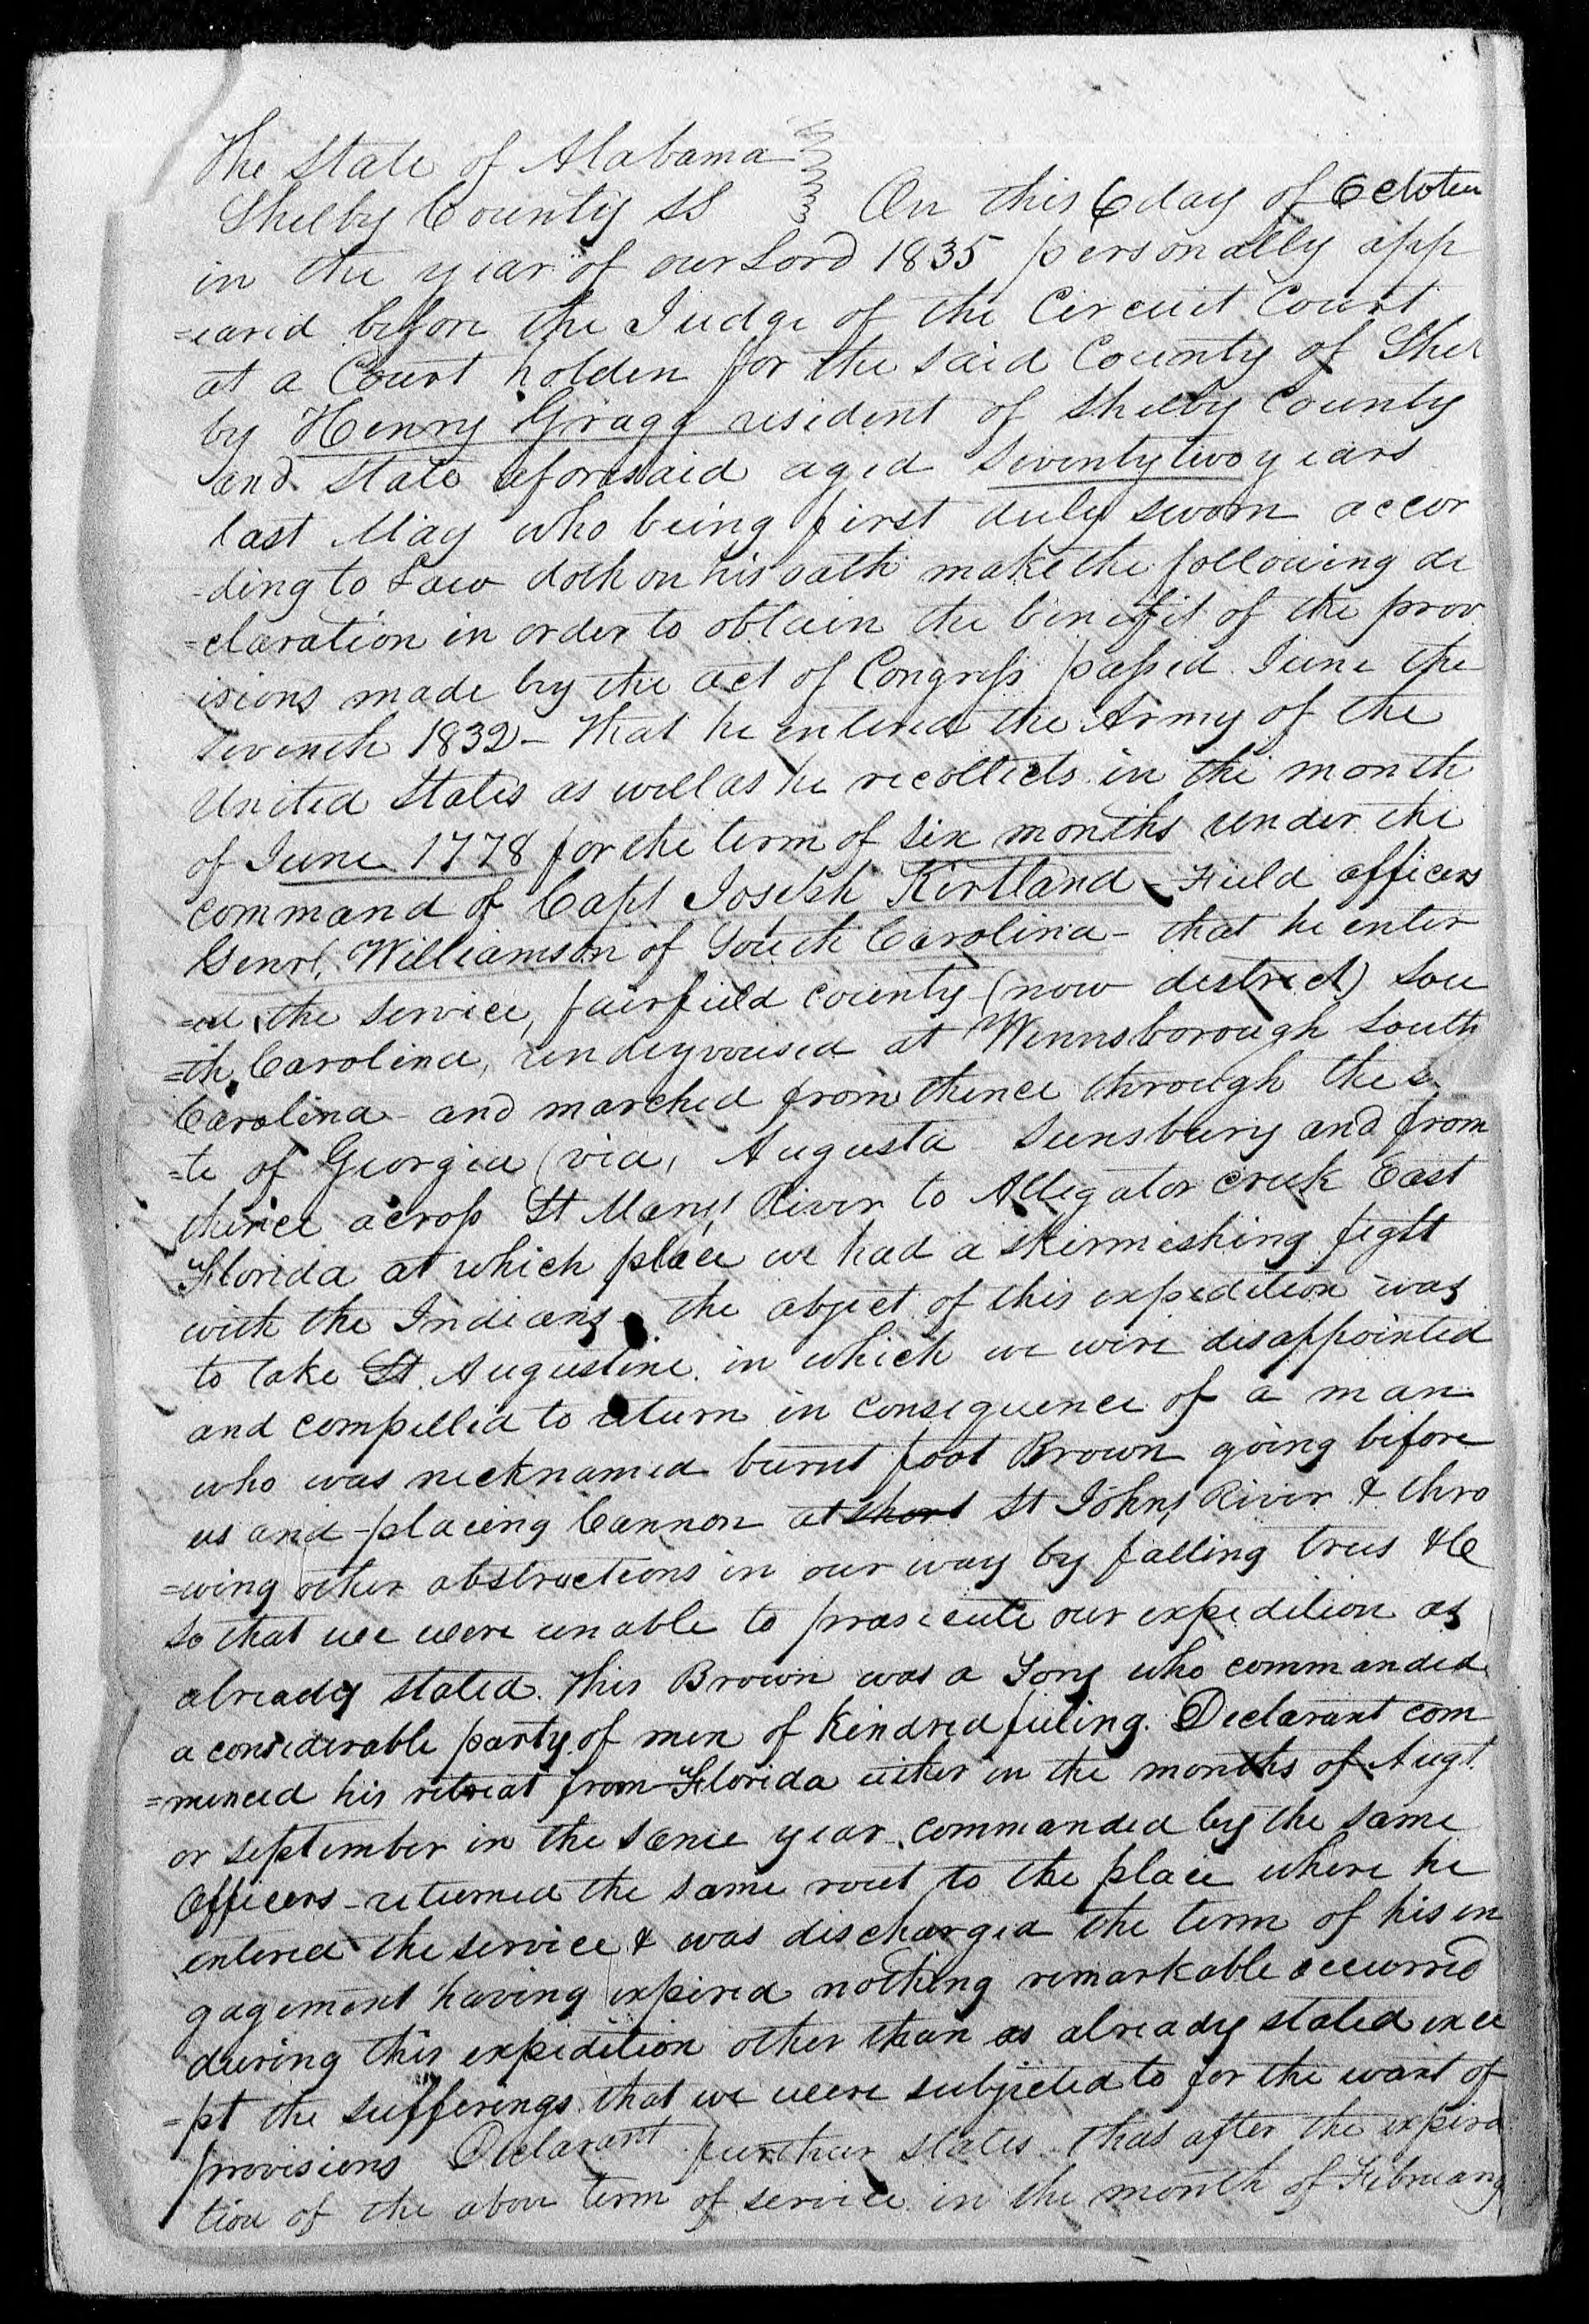[ The State of Alabama Shelby County ] SS On this 6 day of October in the year of our Lord 1835 personally appeared before the Judge of the Circuit Court at a Court holden for the  said County of Shelby Henry Gragg resident of Shelby County  and State aforesaid  aged seventy two years last May  who being first duly sworn according to law  doth on his oath make the following declaration in order to obtain the benefit of  the provisions made by the act of Congress passed  June the seventh  1832. That he entered the Army  of the United States  as well as he recollects in the month of June 1778 for the term of six months under the command of Capt. Joseph Kirtland, Field officers  Genl. Williamson of South Carolina - that he entered the service, Fairfield County  ( now district ) South Carolina  rendezvoued  at Winnsborough  South Carolina  and marched from thence through  the  State of Georgia  via Augusta , Sunsbury  and from thence  across  St. Mary's River to  Alligator Creek east Florida at which place we had a skirmish fight with the Indians, the object of this expedition was to take St. Augustine , in which we were disappointed and compelled to  return in consequence of a man who was nicknamed burnt foot Brown going before us and placing  Cannon  at  St. John's River  & throwing other obstructions in our way by falling trees  etc. so that we were unable to prosecute our expedition as  already stated. this Brown was a Tory  who commanded a considerable party of men  of kindred feeling. Declarant commenced his retreat from Florida either in the month of  Augt. or September in the same year, commanded by the same officers - returned  the same  route to the place where he entered the service & was discharged  - the term of  his engagement  having expired nothing remarkable occurred during this expedition other than as already stated  except the sufferings that we were subjected to  for the want of provisions . Declarant further states that after the expiration of the above term of service in the month of February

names: Williamson, Henry Gragg, Joseph Kirtland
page: 4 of 18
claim: survivor's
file: S. 10,773, Henry Gragg, S.C.